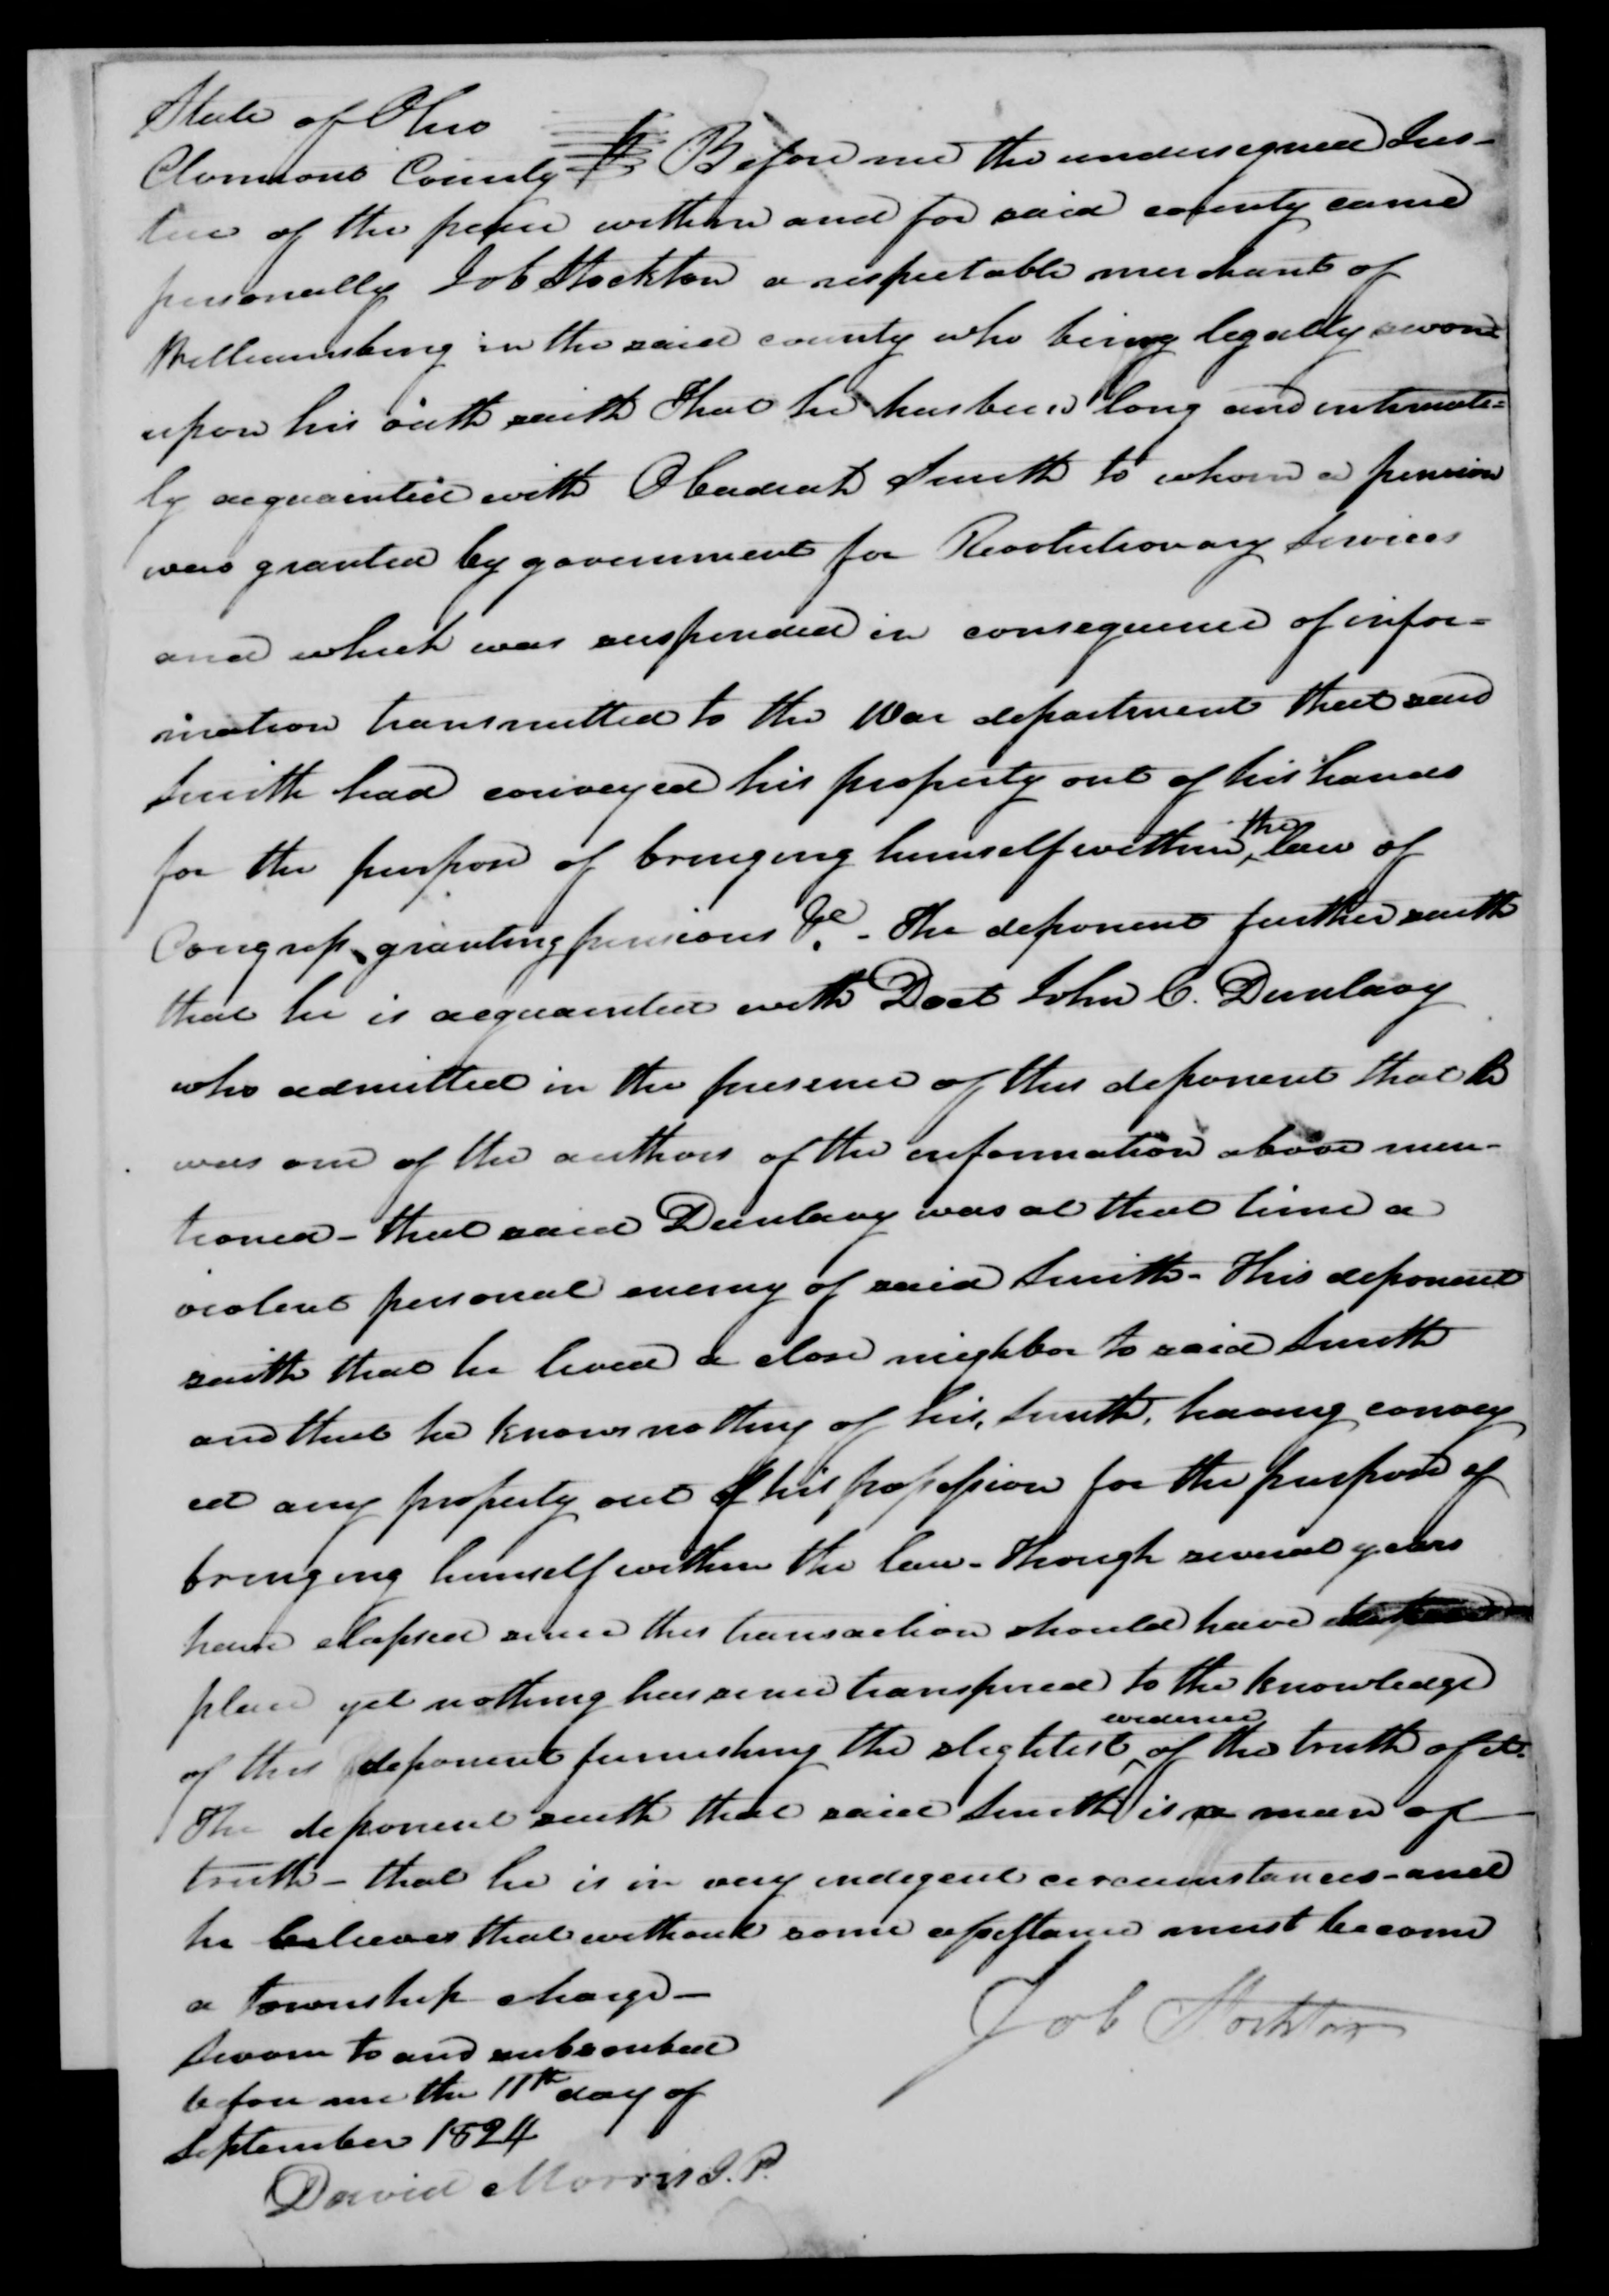State of Ohio Clermont County } Before me the undersigned Justice of the Peace within and for said county came personally Job Stockton a respectable merchant of Williamsburg in the said county who being legally sworn upon his oath saith that he has been long and continuously acquainted with Obadiah Smith to whom a pension was granted by government for Revolutionary Services and which was suspended in consequence of information transmitted to the War department that said Smith had conveyed his property out of his hands for the purpose of bringing himself within the law of Congress granting pensions &c. The deponent further saith that he is acquainted with Doct John C. Dunlavy who admitted in the presence of this deponent that he was one of the authors of the information above mentioned- that said Dunlavy was at that time a violent personal enemy of said Smith. This deponent saith that he lived a close neight to said Smith and that he knows nothing of his, Smith's, having conveyed any property out of his possession for the purpose of bringing himself within the law though several years have elapsed since this transaction should have [scribbled out word] place yet nothing has since transferred to the knowledge of this deponent furnishing the slightest evidence of this truth of t___ [missing edge of page] The deponent saith that said Smith is a man of truth- that he is in very indigent circumstances - and he believes that without some assistance must become a township charge - [signature:] Job Stockton 
Sworn to and subscribed before me the 11th day of September 1824 [signature:] David Morris J. P.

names: [BLANK] Smith; John C Dunlavy; [BLANK] Smith; [BLANK] Smith; [BLANK] Dunlavy; Obadiah Smith; David Morris; [BLANK] Smith; Job Stockton; Job Stockton; [BLANK] Smith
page: 65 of 66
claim: survivor's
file: S 40458, for Obadiah Smith, New York